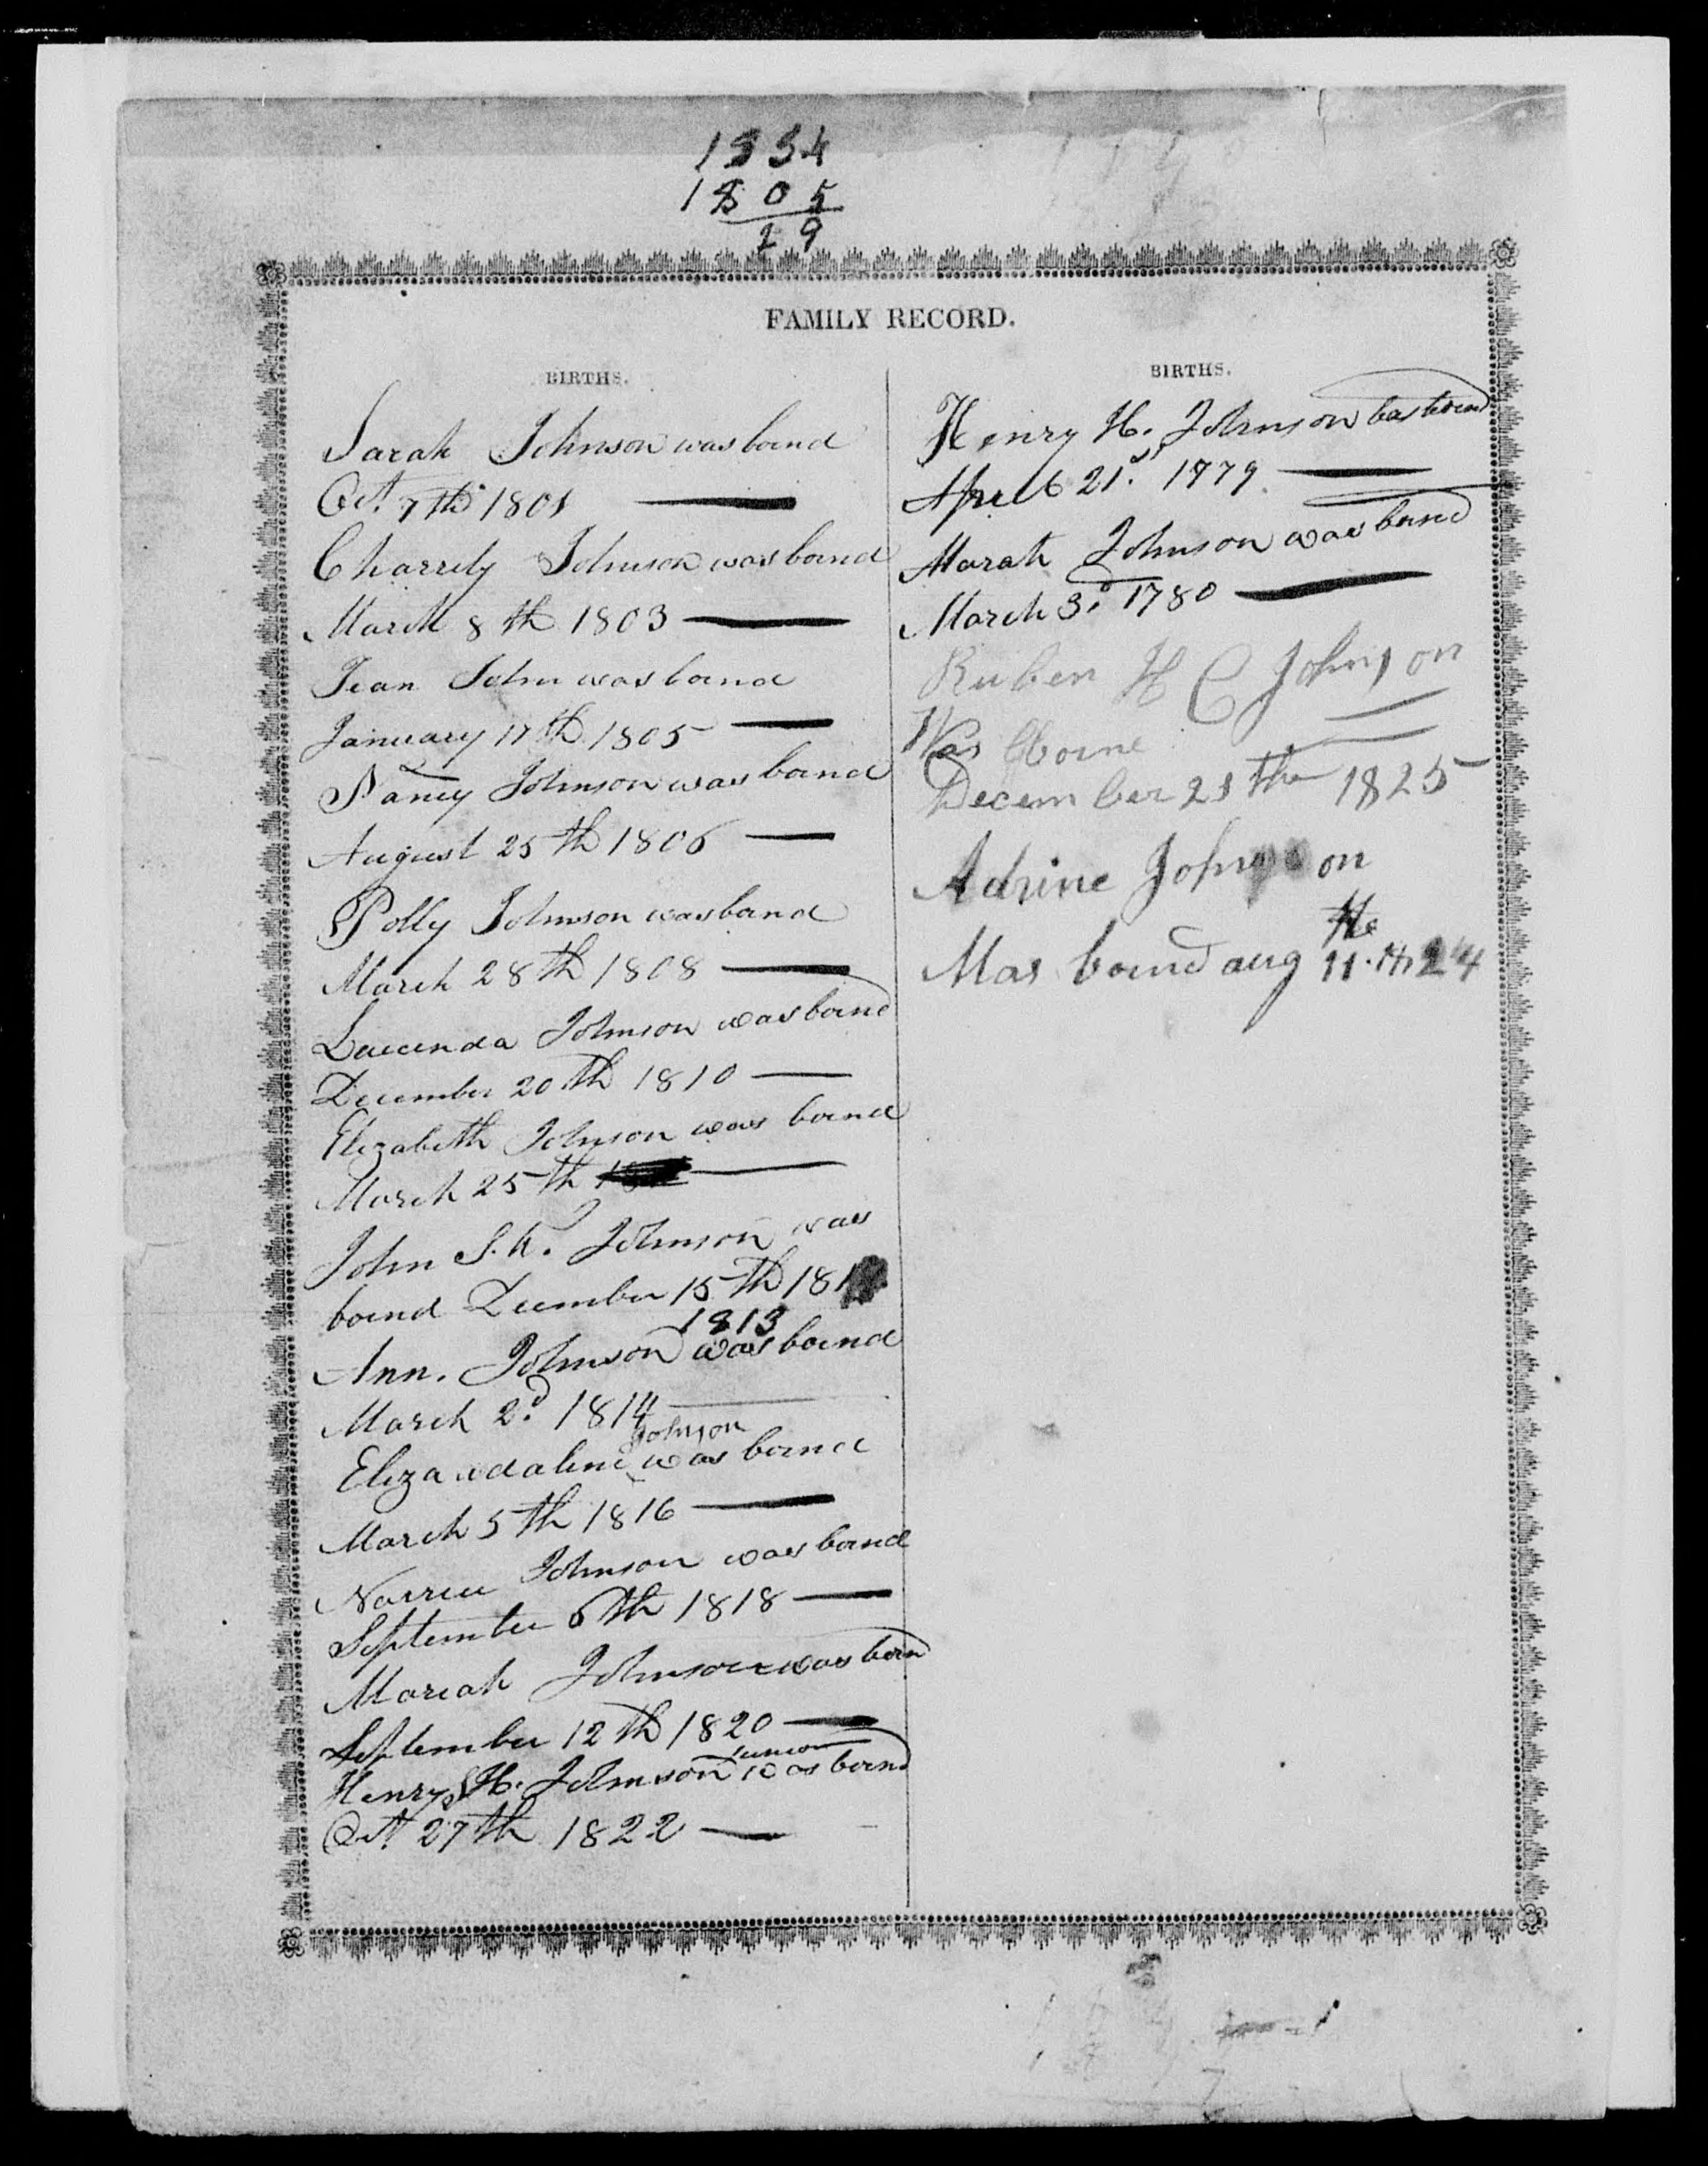1834
1805
______
29

FAMILY RECORD.
BIRTHS.
Sarah Johnson was bornd 
Oct 7th 1801 ___
Charrity Johnson was bornd 
March 8th 1803__
Jean Johnson was bornd 
January 17th 1805__
Nancy Johnson was bornd
August 25th 1806__
Polly Johnson was bornd
March 28th 1808__
Lucinda Johnson was bornd
December 20th 1810__
Elizabeth Johnson was bornd 
March 25th [year strikethrough]__
John S. H. Johnson was bornd
ecember 15th 18[strikethrough] 1813
Ann. Johnson was bornd
March 2d 1814__
Eliza adaline ^Johnson was bornd
March 5th 1816__
Narrice Johnson was bornd
September 6th 1818__
Mariah Johnson was bornd
September 12th 1820__
Henry H. Johnson ^Junior was bornd
Oct. 27th 1822 __


Henry H. Johnson was bornd
April 21st. 1779.__
Marah Johnson was bornd 
March 3d. 1780__
Ruben HC Johnson was bornd:
December 21th 1825
Adrine Johnson Was bornd
aug the 11th. 24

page: 5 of 26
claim: widow's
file: W. 4464, for John H Johnson, Georgia